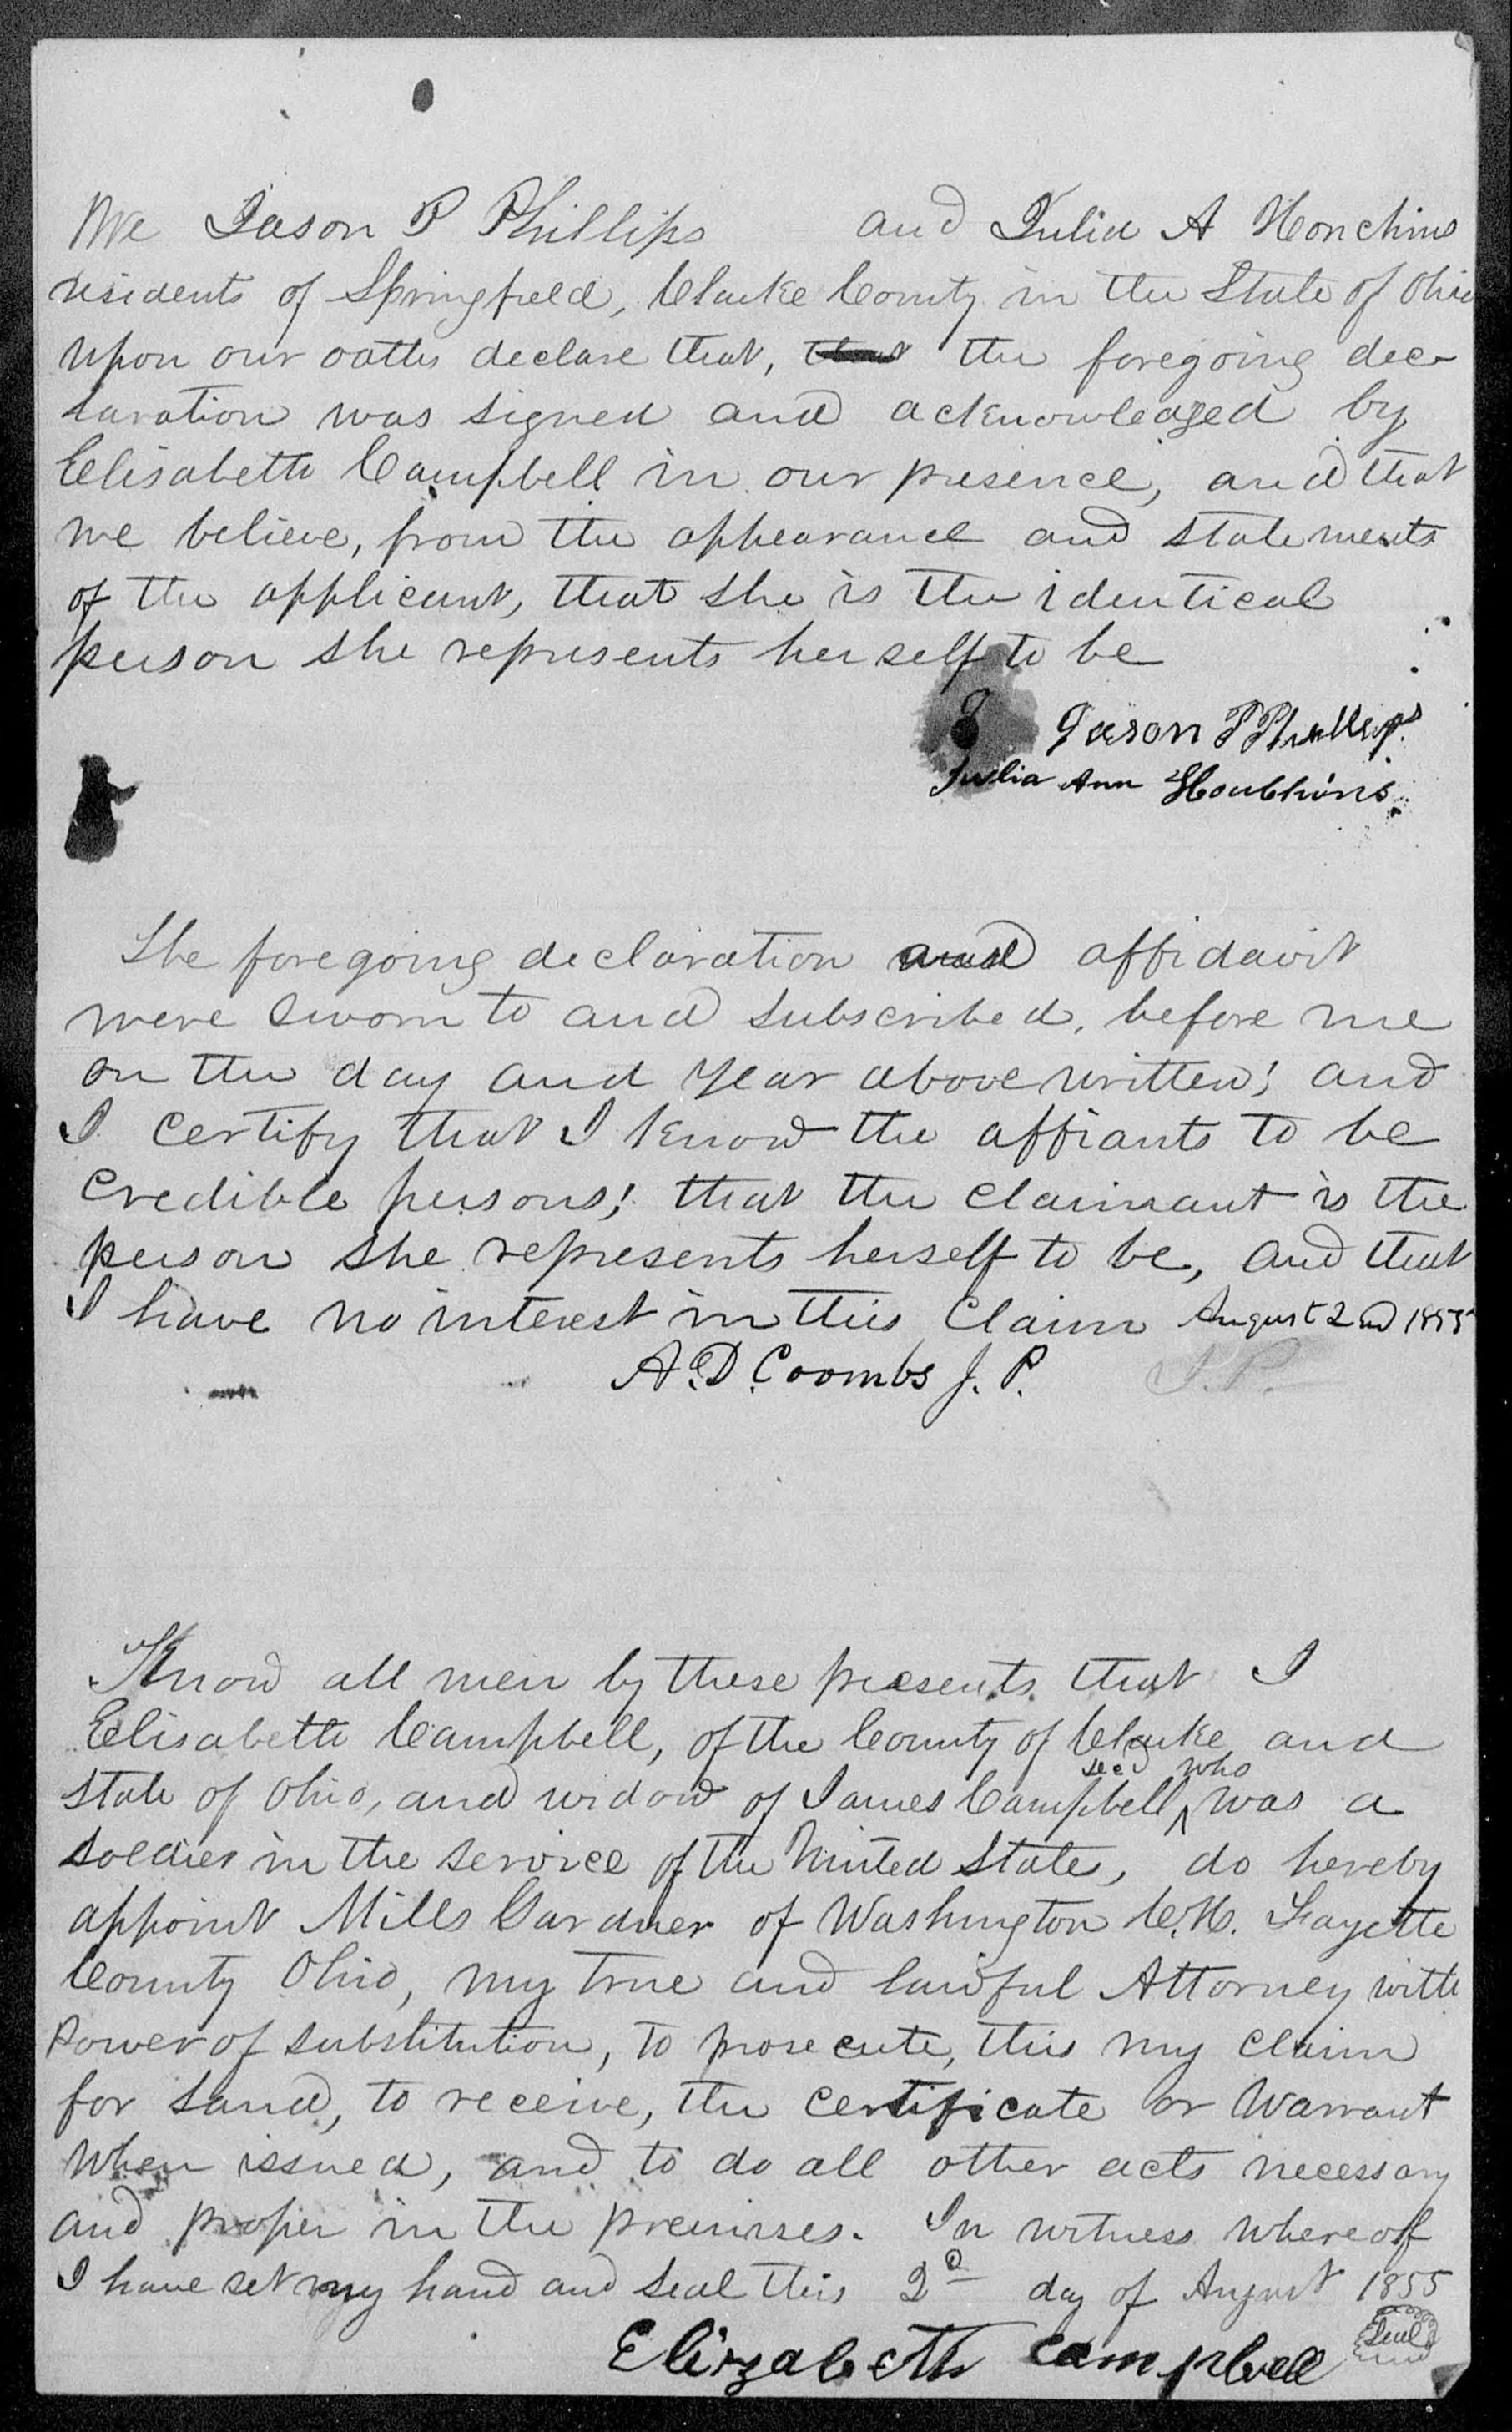We Jason P Phillips and Julia A Honchins residents oof Springfield, Clarke County in the State of Ohio upon our oaths declare that, (that crossed out) the foregoing declaration was signed and acknowledged by Elisabeth Campbell in our presence, and that we believe, from the appearance and statements oof the applicant, that she is the identical person she represents herself to be
(smear) Jason P Phillips
Julia Ann Houchins
The foregoing declaration and affidavit were sworn to and subscribed, before me on the day and year above written; and I certify that I know the affiants to be credible persons; that the claimant is the person she represents herself to be. and that I have noo interest in this claim  August 2nd 1855
A. D. Coombs J. P.
Know all men by these presents that I Elisabeth Campbell, fo the county of Clarke and State of Ohio, and widow of James Campbell ^dec who was a soldier in the service of the United States, doo hereby appoint Mills Gardner of Washington C. H. Fayette County Ohio, my true and lawful Attorney with Power of substitution, to prosecute, this my claim for Land, to receive, the certificate or Warrant when issued, and to do all other acts necessary and proper in the premises. In witness whereof I have set my hand and seal this 2d day of August 1855
Elizabeth Campbell  Seal (circled)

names: Elisabeth Campbell, Julia Ann Houchins, Elisabeth Campbell, Julia A Houchins, A D Coombs, Elizabeth Campbell, Jason P Phillips, James Campbell, Mills Gardner, Jason P Phillips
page: 18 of 47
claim: widow's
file: W. 25384, James Campbell, Va.